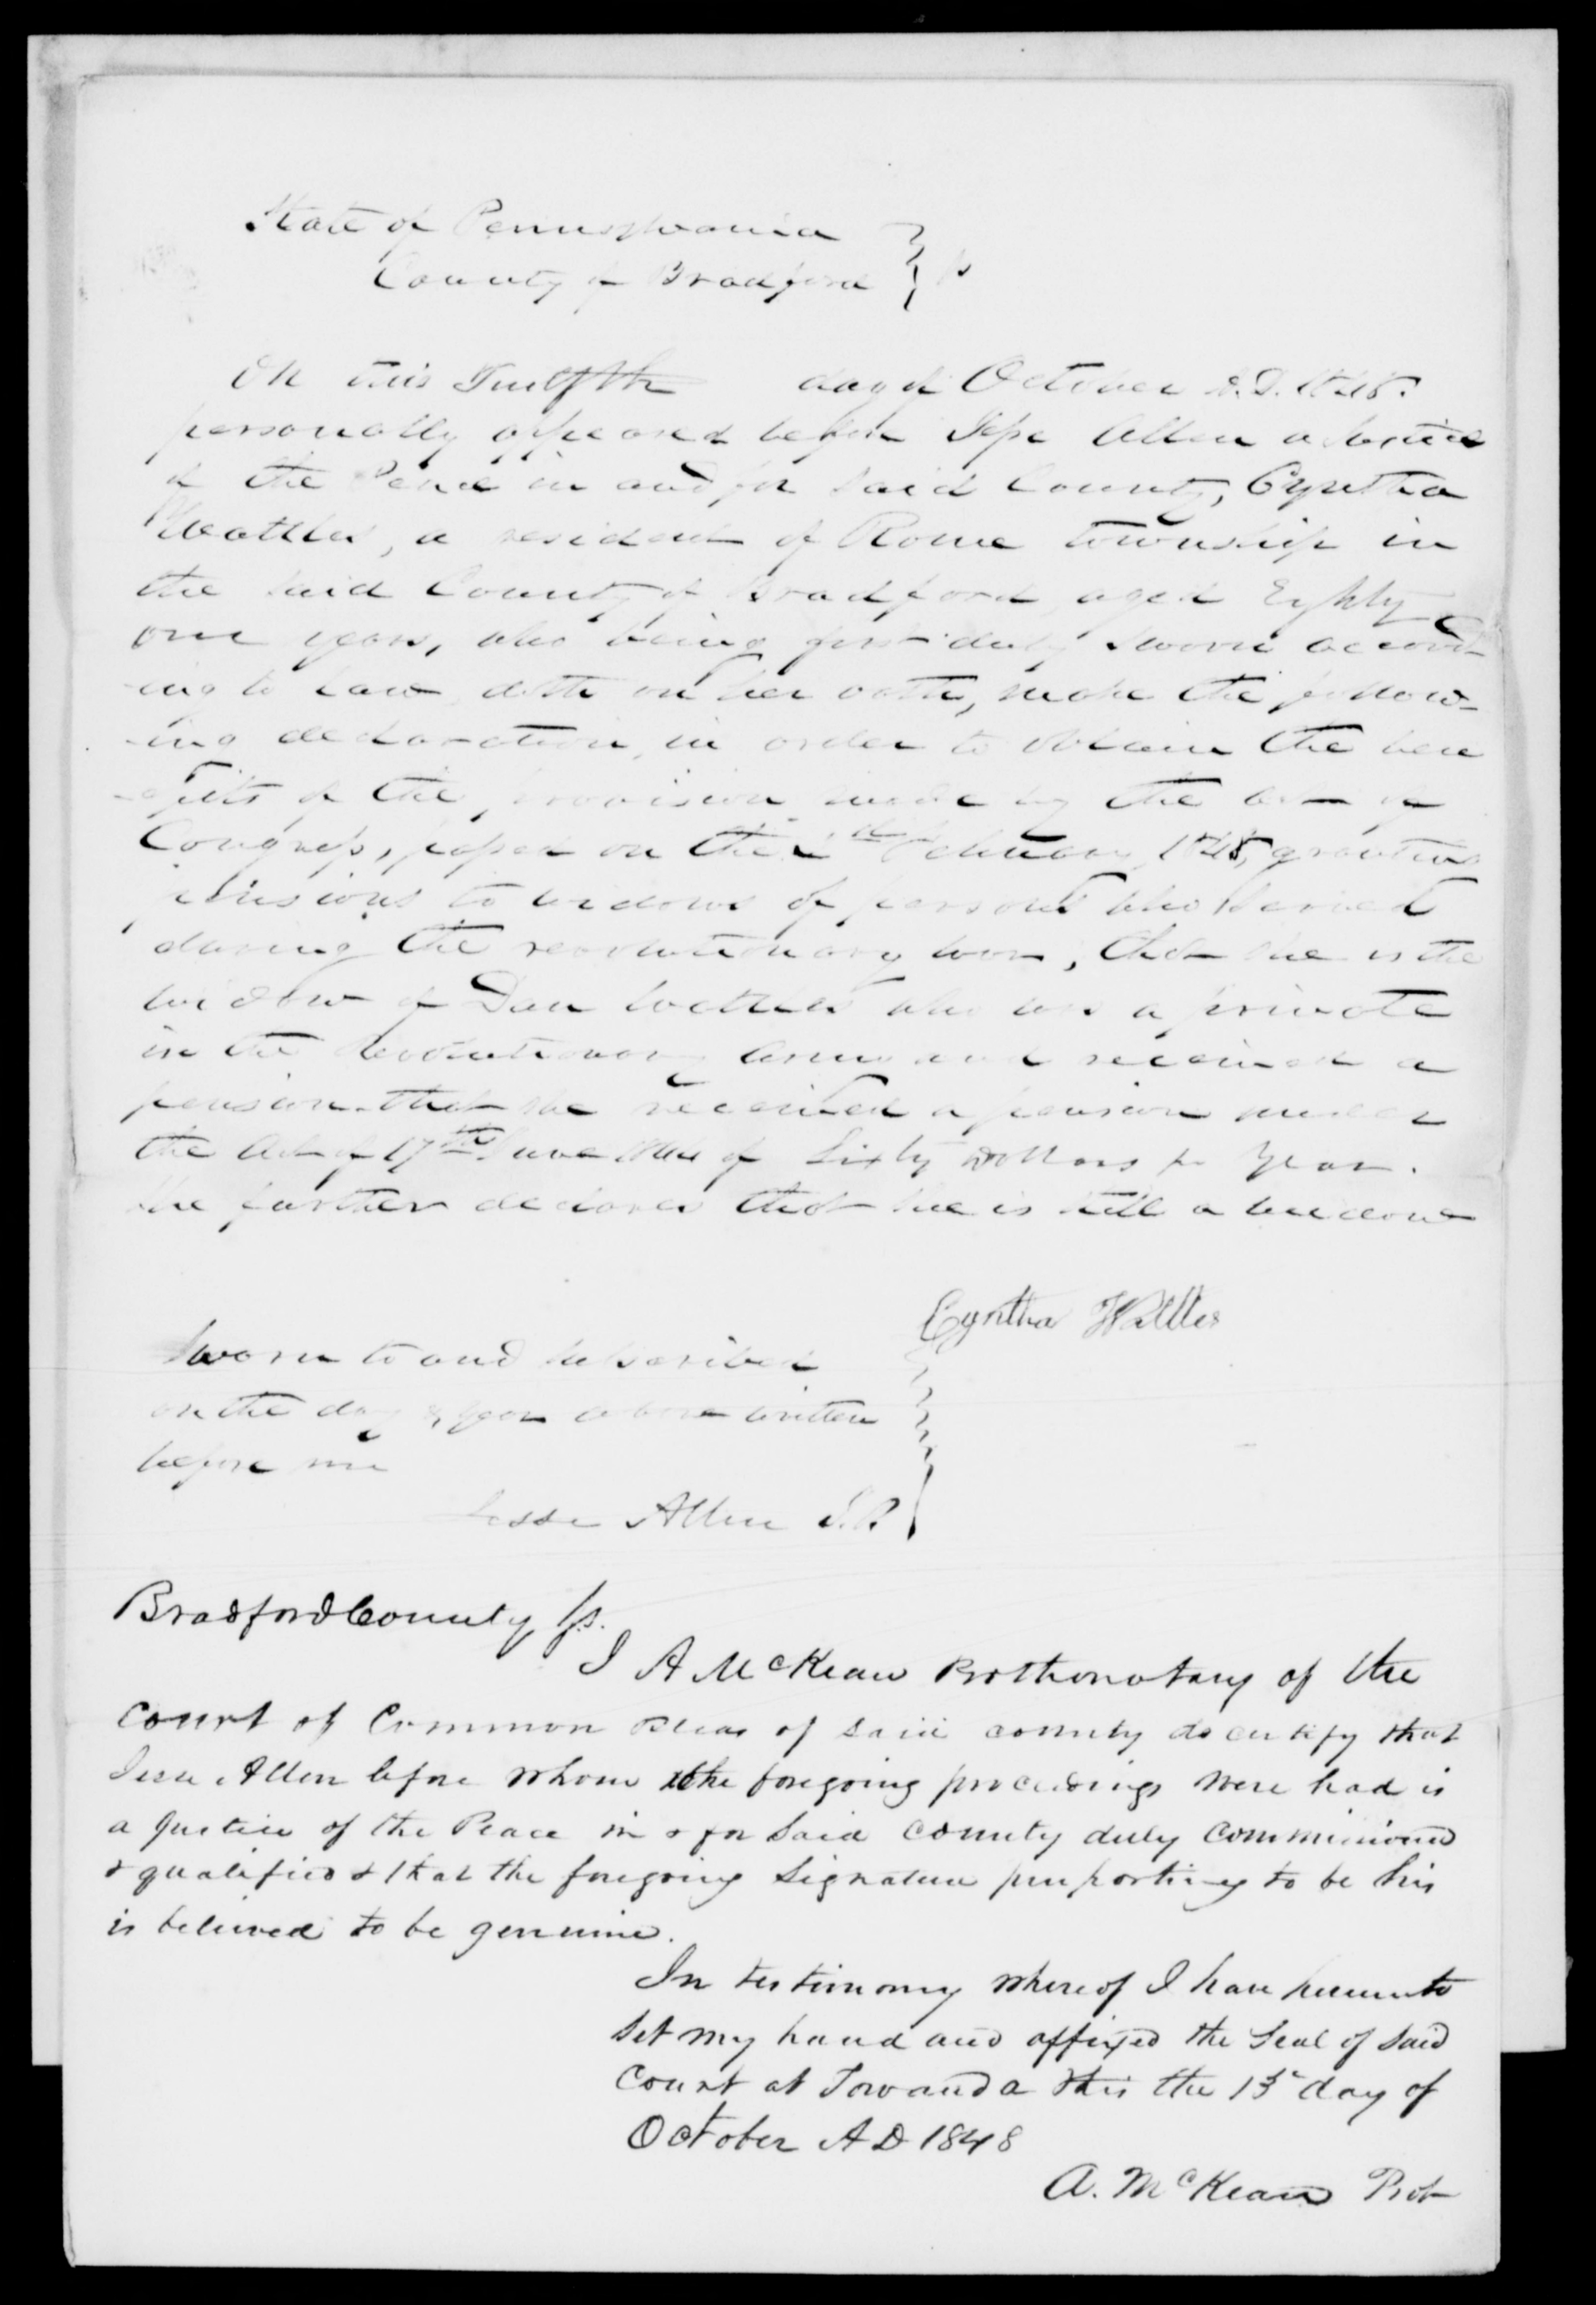State of Pennsylvania}
County of Bradford} ss.

On this Twelfth day of October A. D. 1848, personally appeared before Jesse Allen a Justice of the Peace in and for said County, Cyntha Wattles, a resident of Rome township in the said County of Bradford, aged eighty one years, also being first duly sworn according to the law doth on her oath, make the falling declaration in order to obtain the  benefit of the provision made by the act of Congress, passed on the 2d February 1848, granting pensions to widows of pensioners who served during  the revolutionary war, that she is the widow of Dan Wattles, who was a private in the revolutionary army and received a pension, that she received a pension [      ] by the Act of 17th June 1844 of Sixty Dollars per year.  She further declares that she is still a widow.
Cythia Wattles

Sworn to and subscribed}
on the day & year above written}
before me}
Jesse Allen}

Bradford County ss.
I, A McKean  Prothonotary of the Court of Common Pleas of said county do certify that Jesse Allen before whom the foregoing proceedings were had is a Justice of the Peace in & for Said county duly commissioned & qualified & that the foregoing Signature purporting to be his is believed to be genuine .

In testimony whereof I have hereunto set my hand and affixed the Seal of said court at Towanda this the 13th day of October AD 1848.
A. McKean   Prot.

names: Dan Wattles, Jesse Allen, A Mc Kean, Cyntha Wattles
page: 68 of 70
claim: widow's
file: W. 3743, Dan Wattles, Conn.